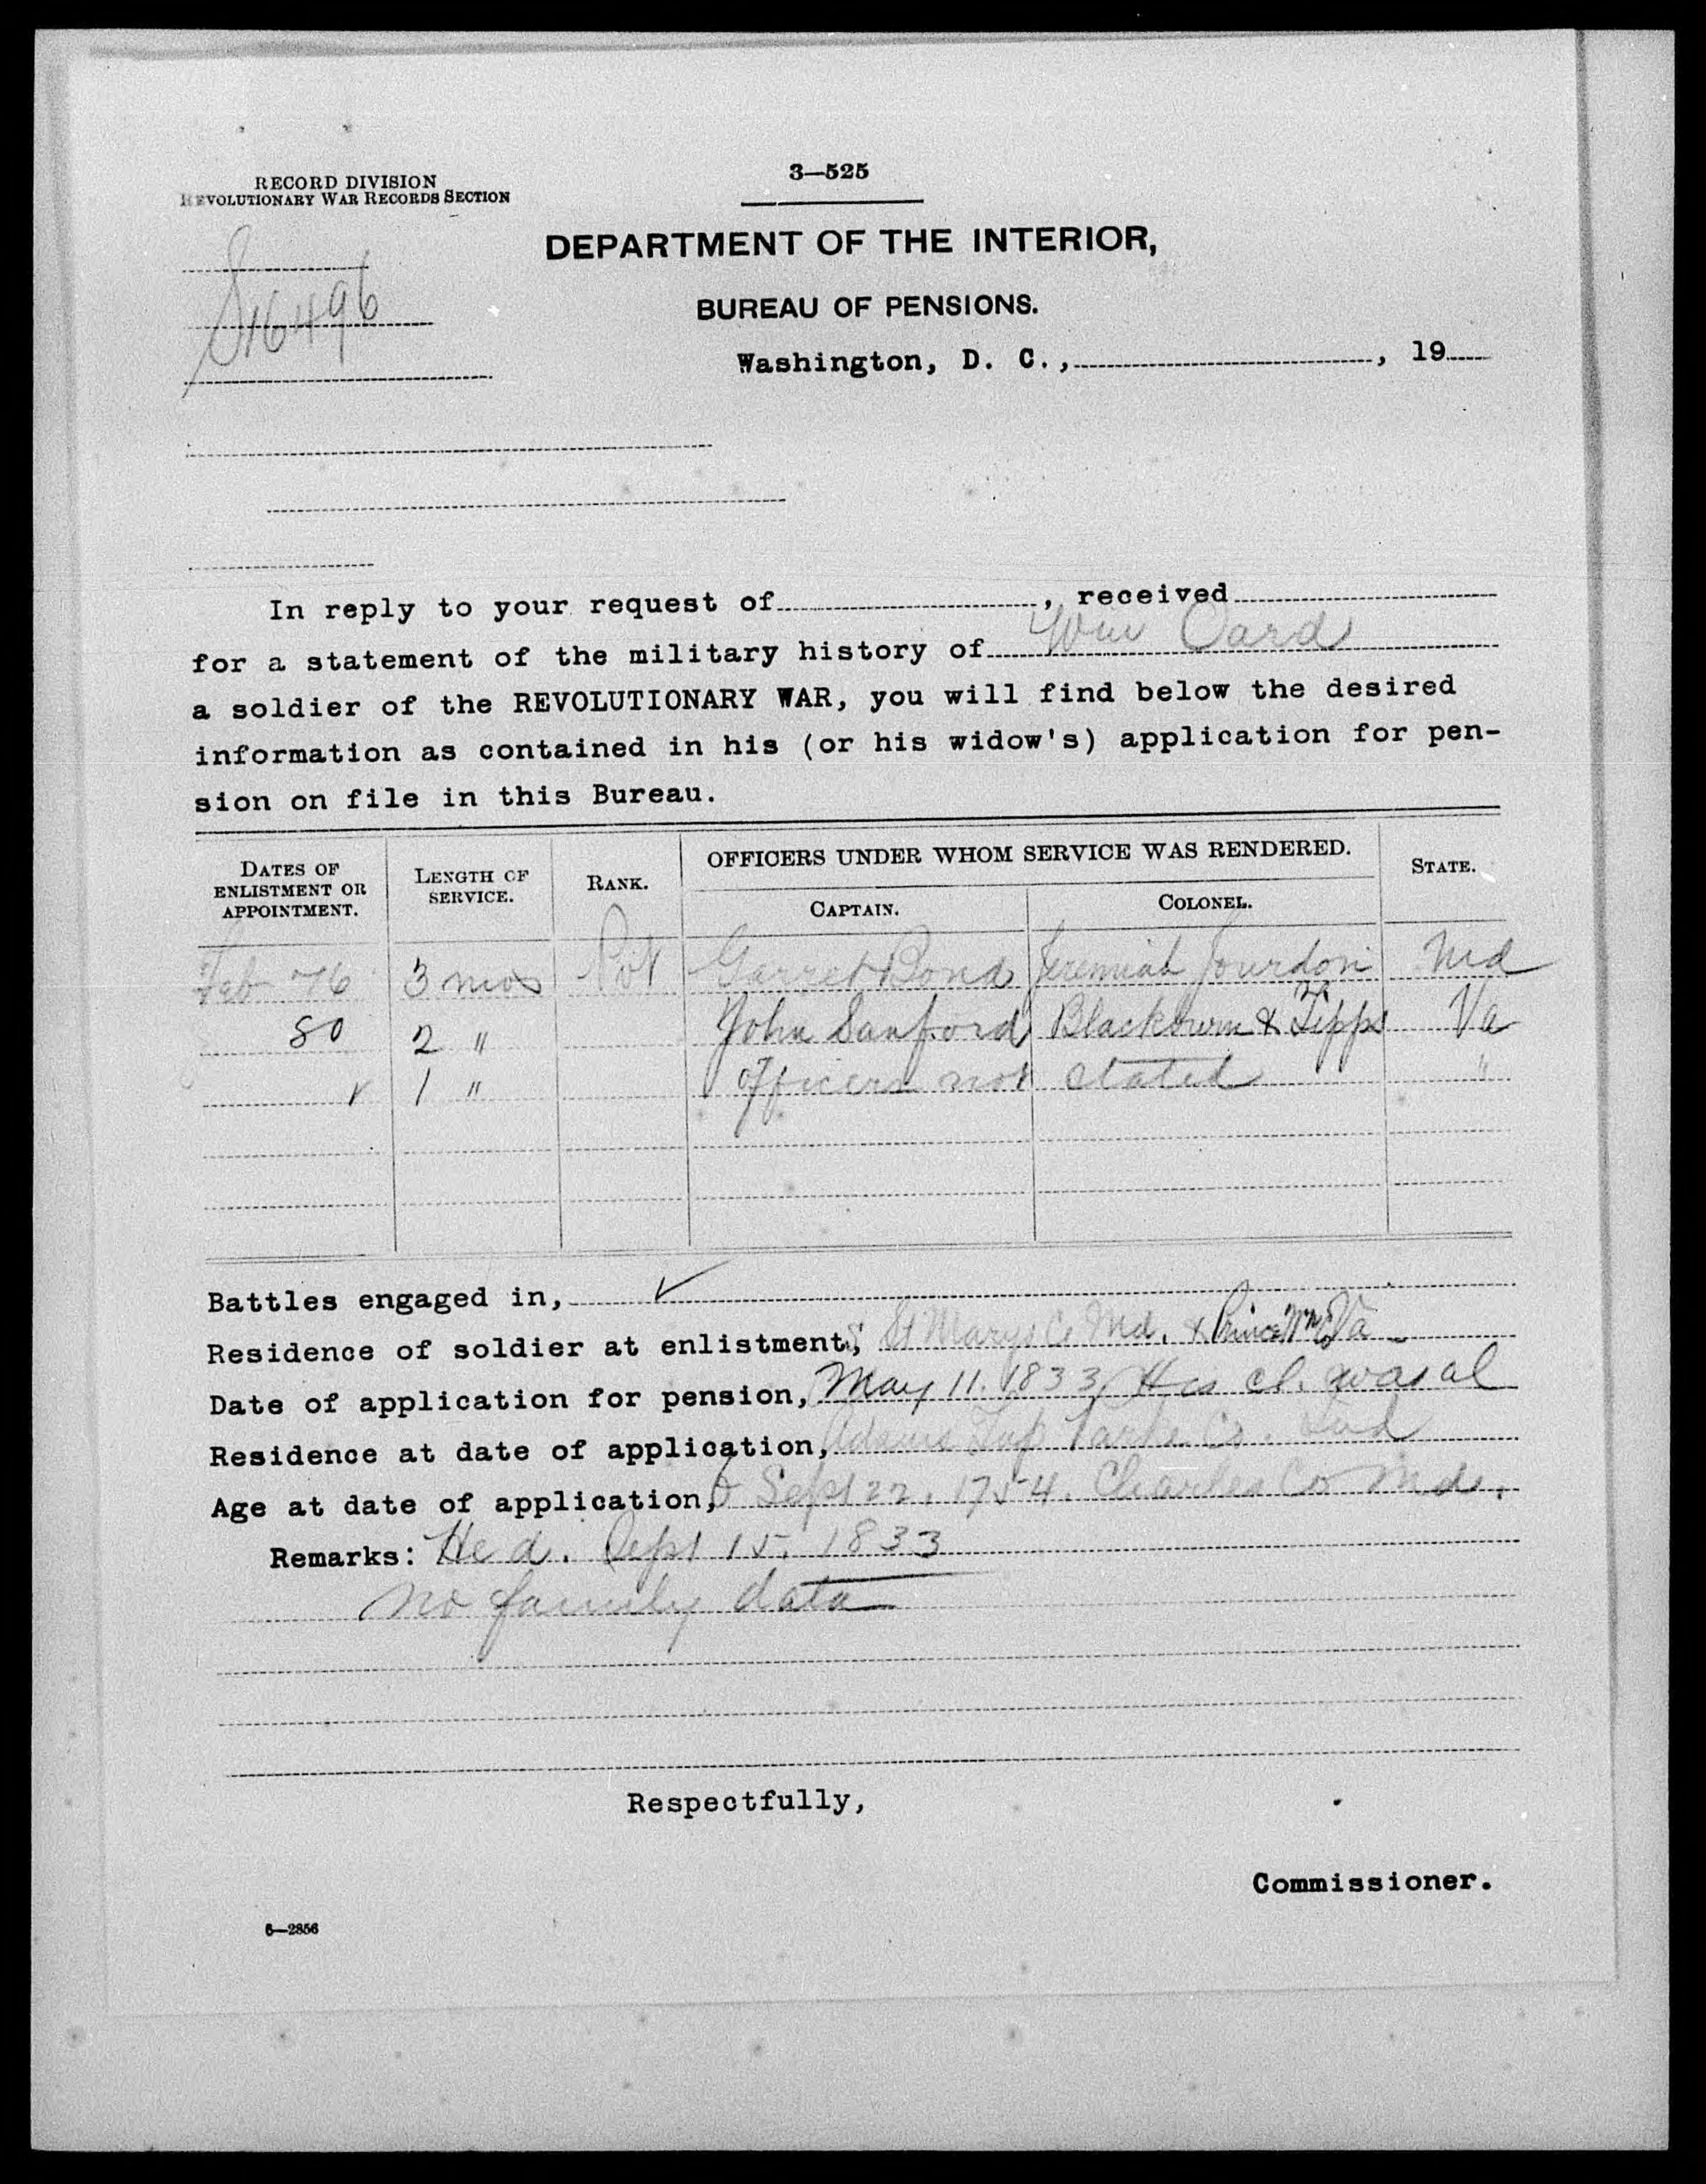Records Division
Revolutionary War Records Section

3-525

Department of the Interior
Bureau of Pensions
Washington D.C.

S.16496

In reply to your request of blank received blank for a statement of the military history of Wm Oard a soldier of the revolutionary war, you will find below the desired information as contained in his (or his widow's) application for pension on file in this bureau.

Dates of Enlistment or Appointment:
1. Feb 76
2. 1780
3. Volunteer

Length of Service
1. 3 Months
2. 2 months
3. 1 month

Rank
Private

Officers under whom service was rendered:
1. Capt. Garret Bond and Colonel Jerimiah Jourdon
2. Capt. John Sanford and Col. Blackburn & Tipps
3. Officers not stated

State:
1. MD
2. VA
3. VA

Battles engaged in - blank

Residence of soldier at enlistment - St. Mary's Co, MD & Prince Wm, VA

Date of application for pension - May 11, 1833. His claim was allowed

Residence at date of application - Adams Twp Parke Co, Ind

Age at date of application - B Sept 22, 1754, Charles Co, MD

Remarks - he died Sept 15, 1833
No family data

Respectfully

Commissioner.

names: Wm Oard; [BLANK] Tipps; Garret Bond; John Sanford; [BLANK] Blackburn; Jeremiah Jourdon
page: 18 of 18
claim: survivor's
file: S. 16,496, for William Oard, Maryland